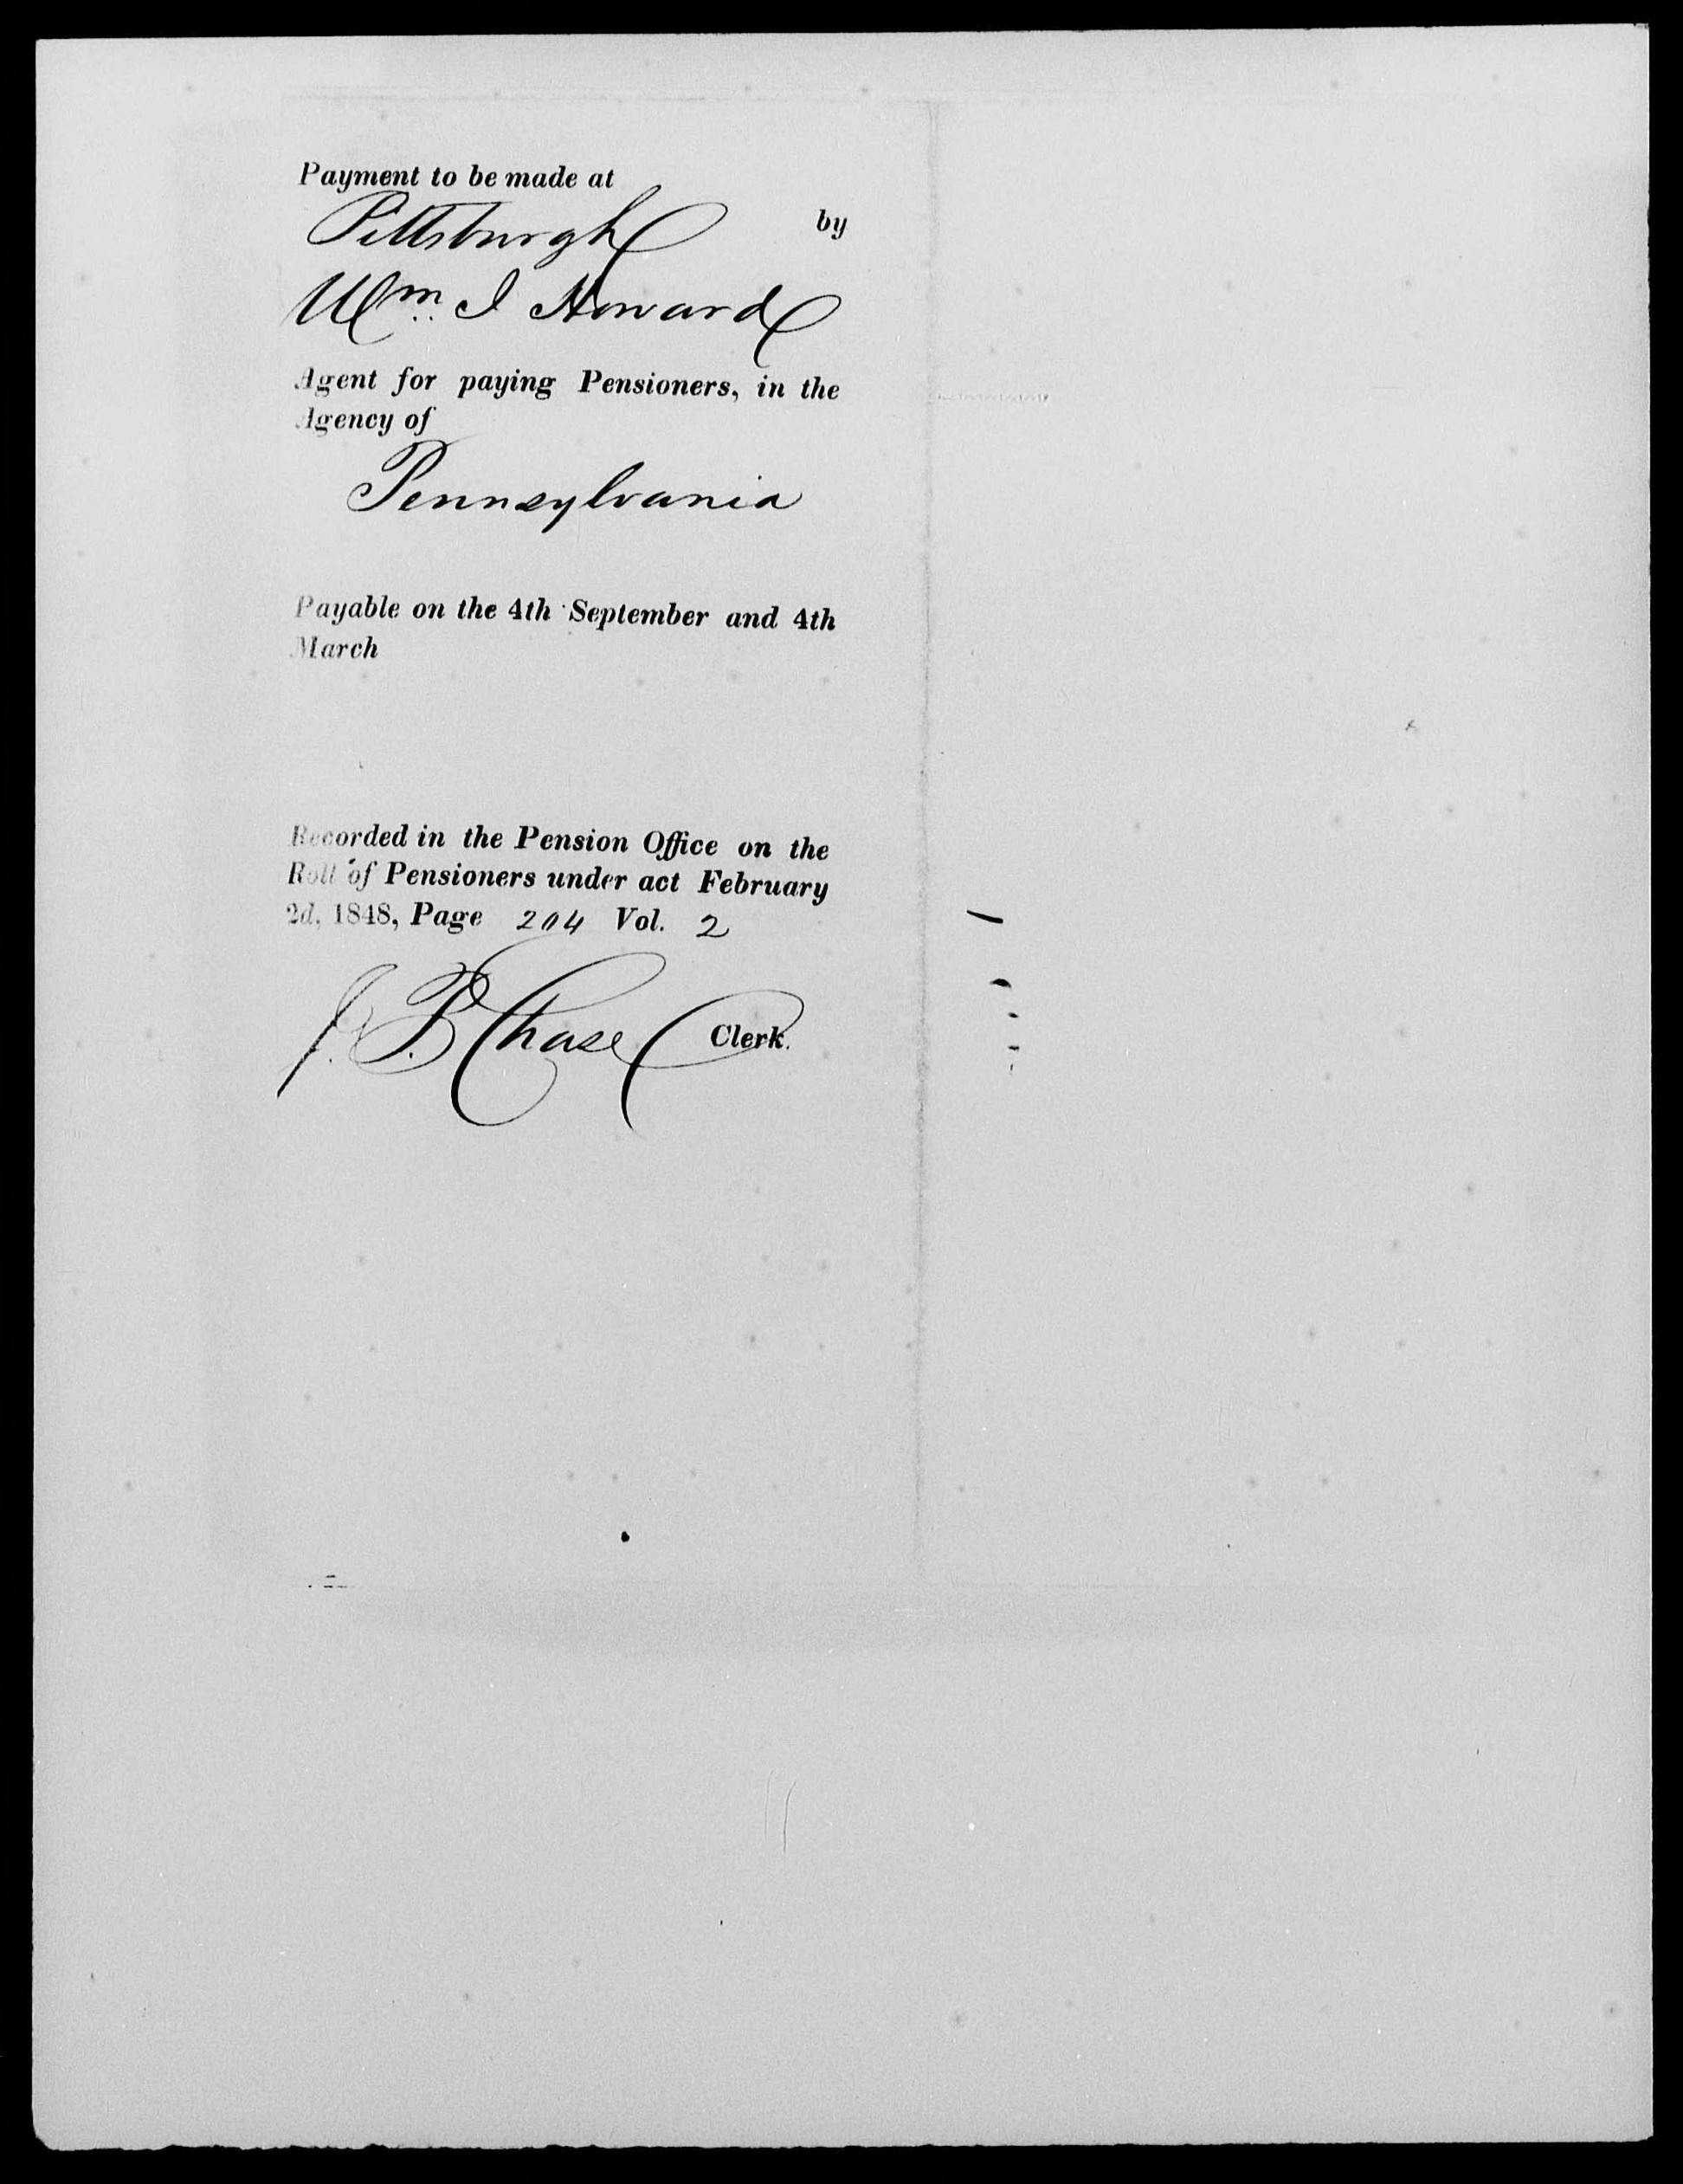Payment to be made at Pittsburgh by Wm J Howard Agent for paying Pensioners, in the Agency of Pennsylvania
Payable on the 4th September and 4th March

Recorded in the Pension Office on the Roll of Pensioners under act February 2d, 1848, Page 204 Vol. 2
J. P. Chase Clerk.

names: J P Chase, Wm J Howard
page: 38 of 83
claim: widow's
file: W. 5946, John Brandon, Penn